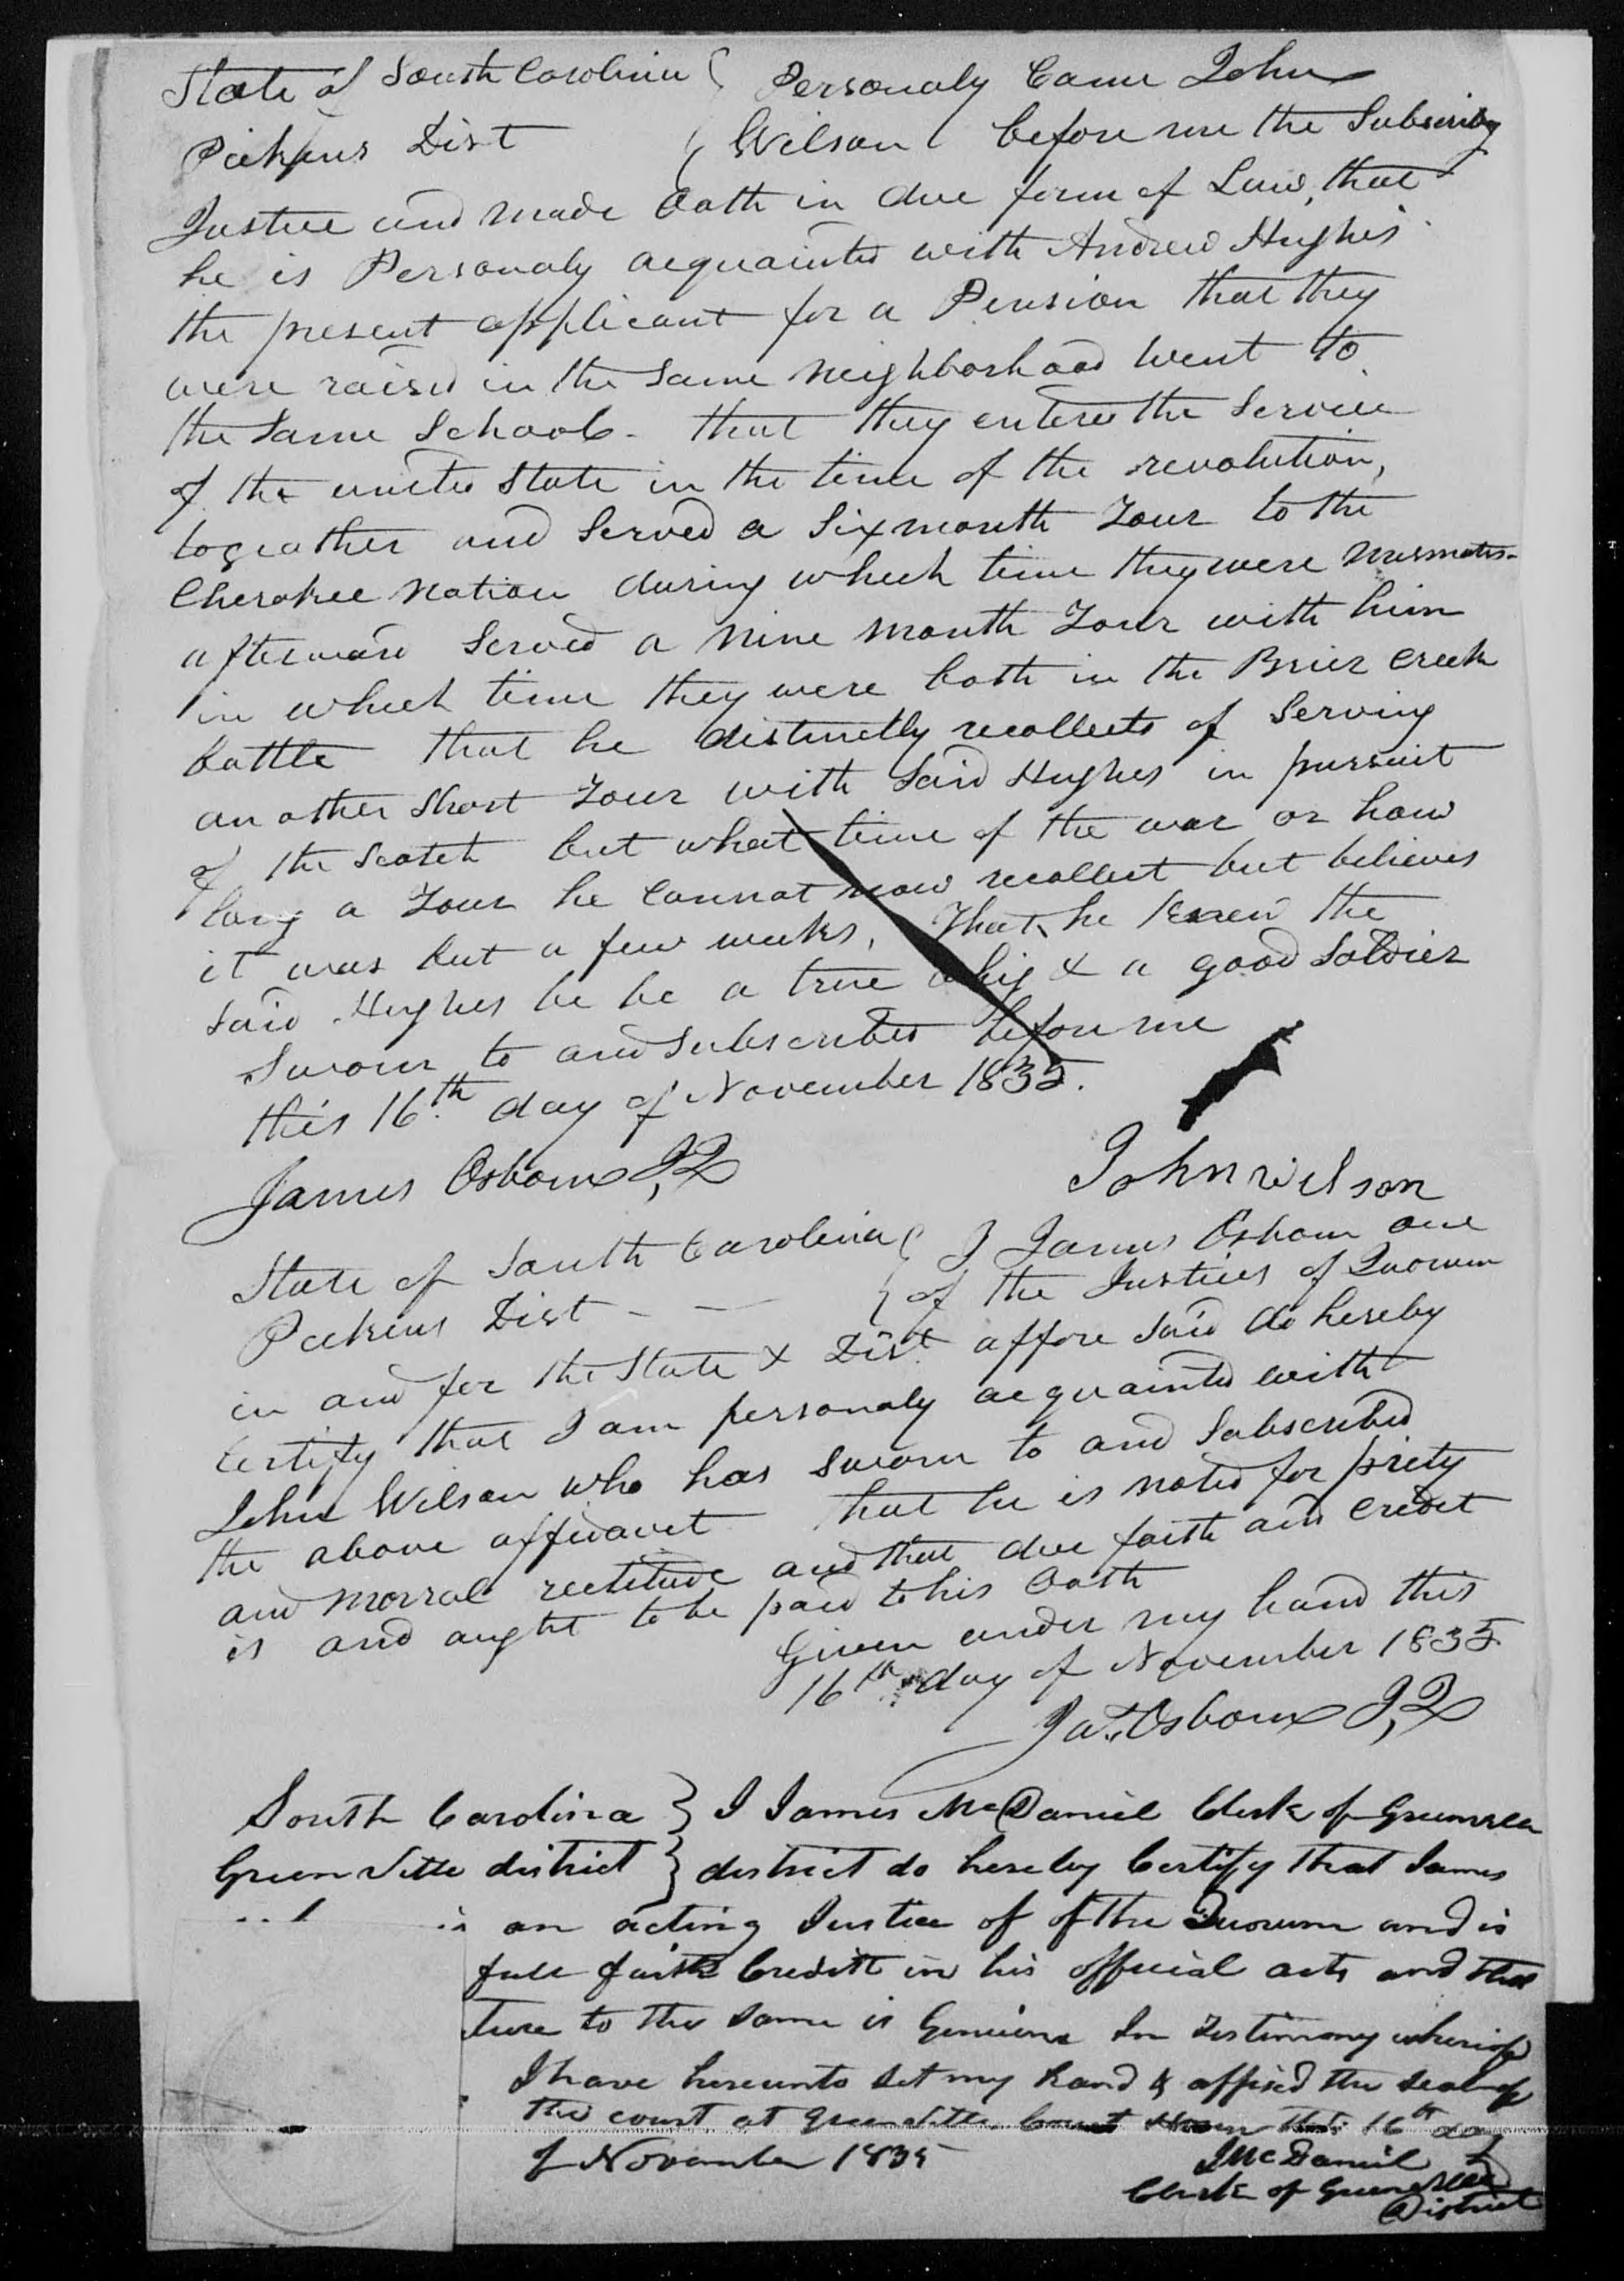State of South of Carolina Pickens District
Persoualy [personally] came John Wilson before we the subserving
Justice and made oath in due form of law, that he is persoualy [personally] acquainted with Andrew Hughes
the present applicant for a pension that they
were raised in the same neighborhood went to 
the same school, there they entered the service of the United States in the time of the revolution,
together and served a six month tour to the
Cherokee Nation durning which time they were war mates.
Afterwards served a nine month tour with him
in which time they were both in the Brier Creek
battle that he distinctly recollects of serving 
another short tour with said Hughes in pursuit
of the Scotch [illegible] but what time of the war or how
long a tour he cannot now recollect but believes
it was but a few weeks, that he knew the
said Hughes he he [be] a true whig [illegible] + a good soldier
Sworn to and subscribed before me
this 16th day of November 1832
James Osborne, QQ [signature]
John Wilson [signature]
Sate of South Carolina Pickens District
I James Osborn we of the Justices of Quorum 
in and for the State + District affore said do hereby
testify that I am personally acquainted with
John Wilson who has sworn to and subscribed 
the above affidavit that he is noted for priety 
[illegible] morral [moral] icetitive [incentive] and there due faith and credit
is and any [illegible] to be paid to his oath
given under my hand this
16th day of November 1835
James Osborne P.Q.[signature]
South Carolina Greenville district 
I James McDaniel clerk of Greenville district
do hereby certify that James [covered by a seal tape] 
an acting duties of the Quorum and is 
[covered by a seal tape] full faith credit in his official acts and those 
[covered by a seal tape] to the same is genuine for testimony whereof
I have here unto set my hand + applied the seal of 
the court at greenville court [illegible] this 16th day 
of November 1835
McDaniel [signature]
Clerk of Greenville District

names: Andrew Hughes, James Osborn, James Mc Daniel, John Wilson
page: 69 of 75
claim: widow's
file: W. 25805, Andrew Hughes, N.C.